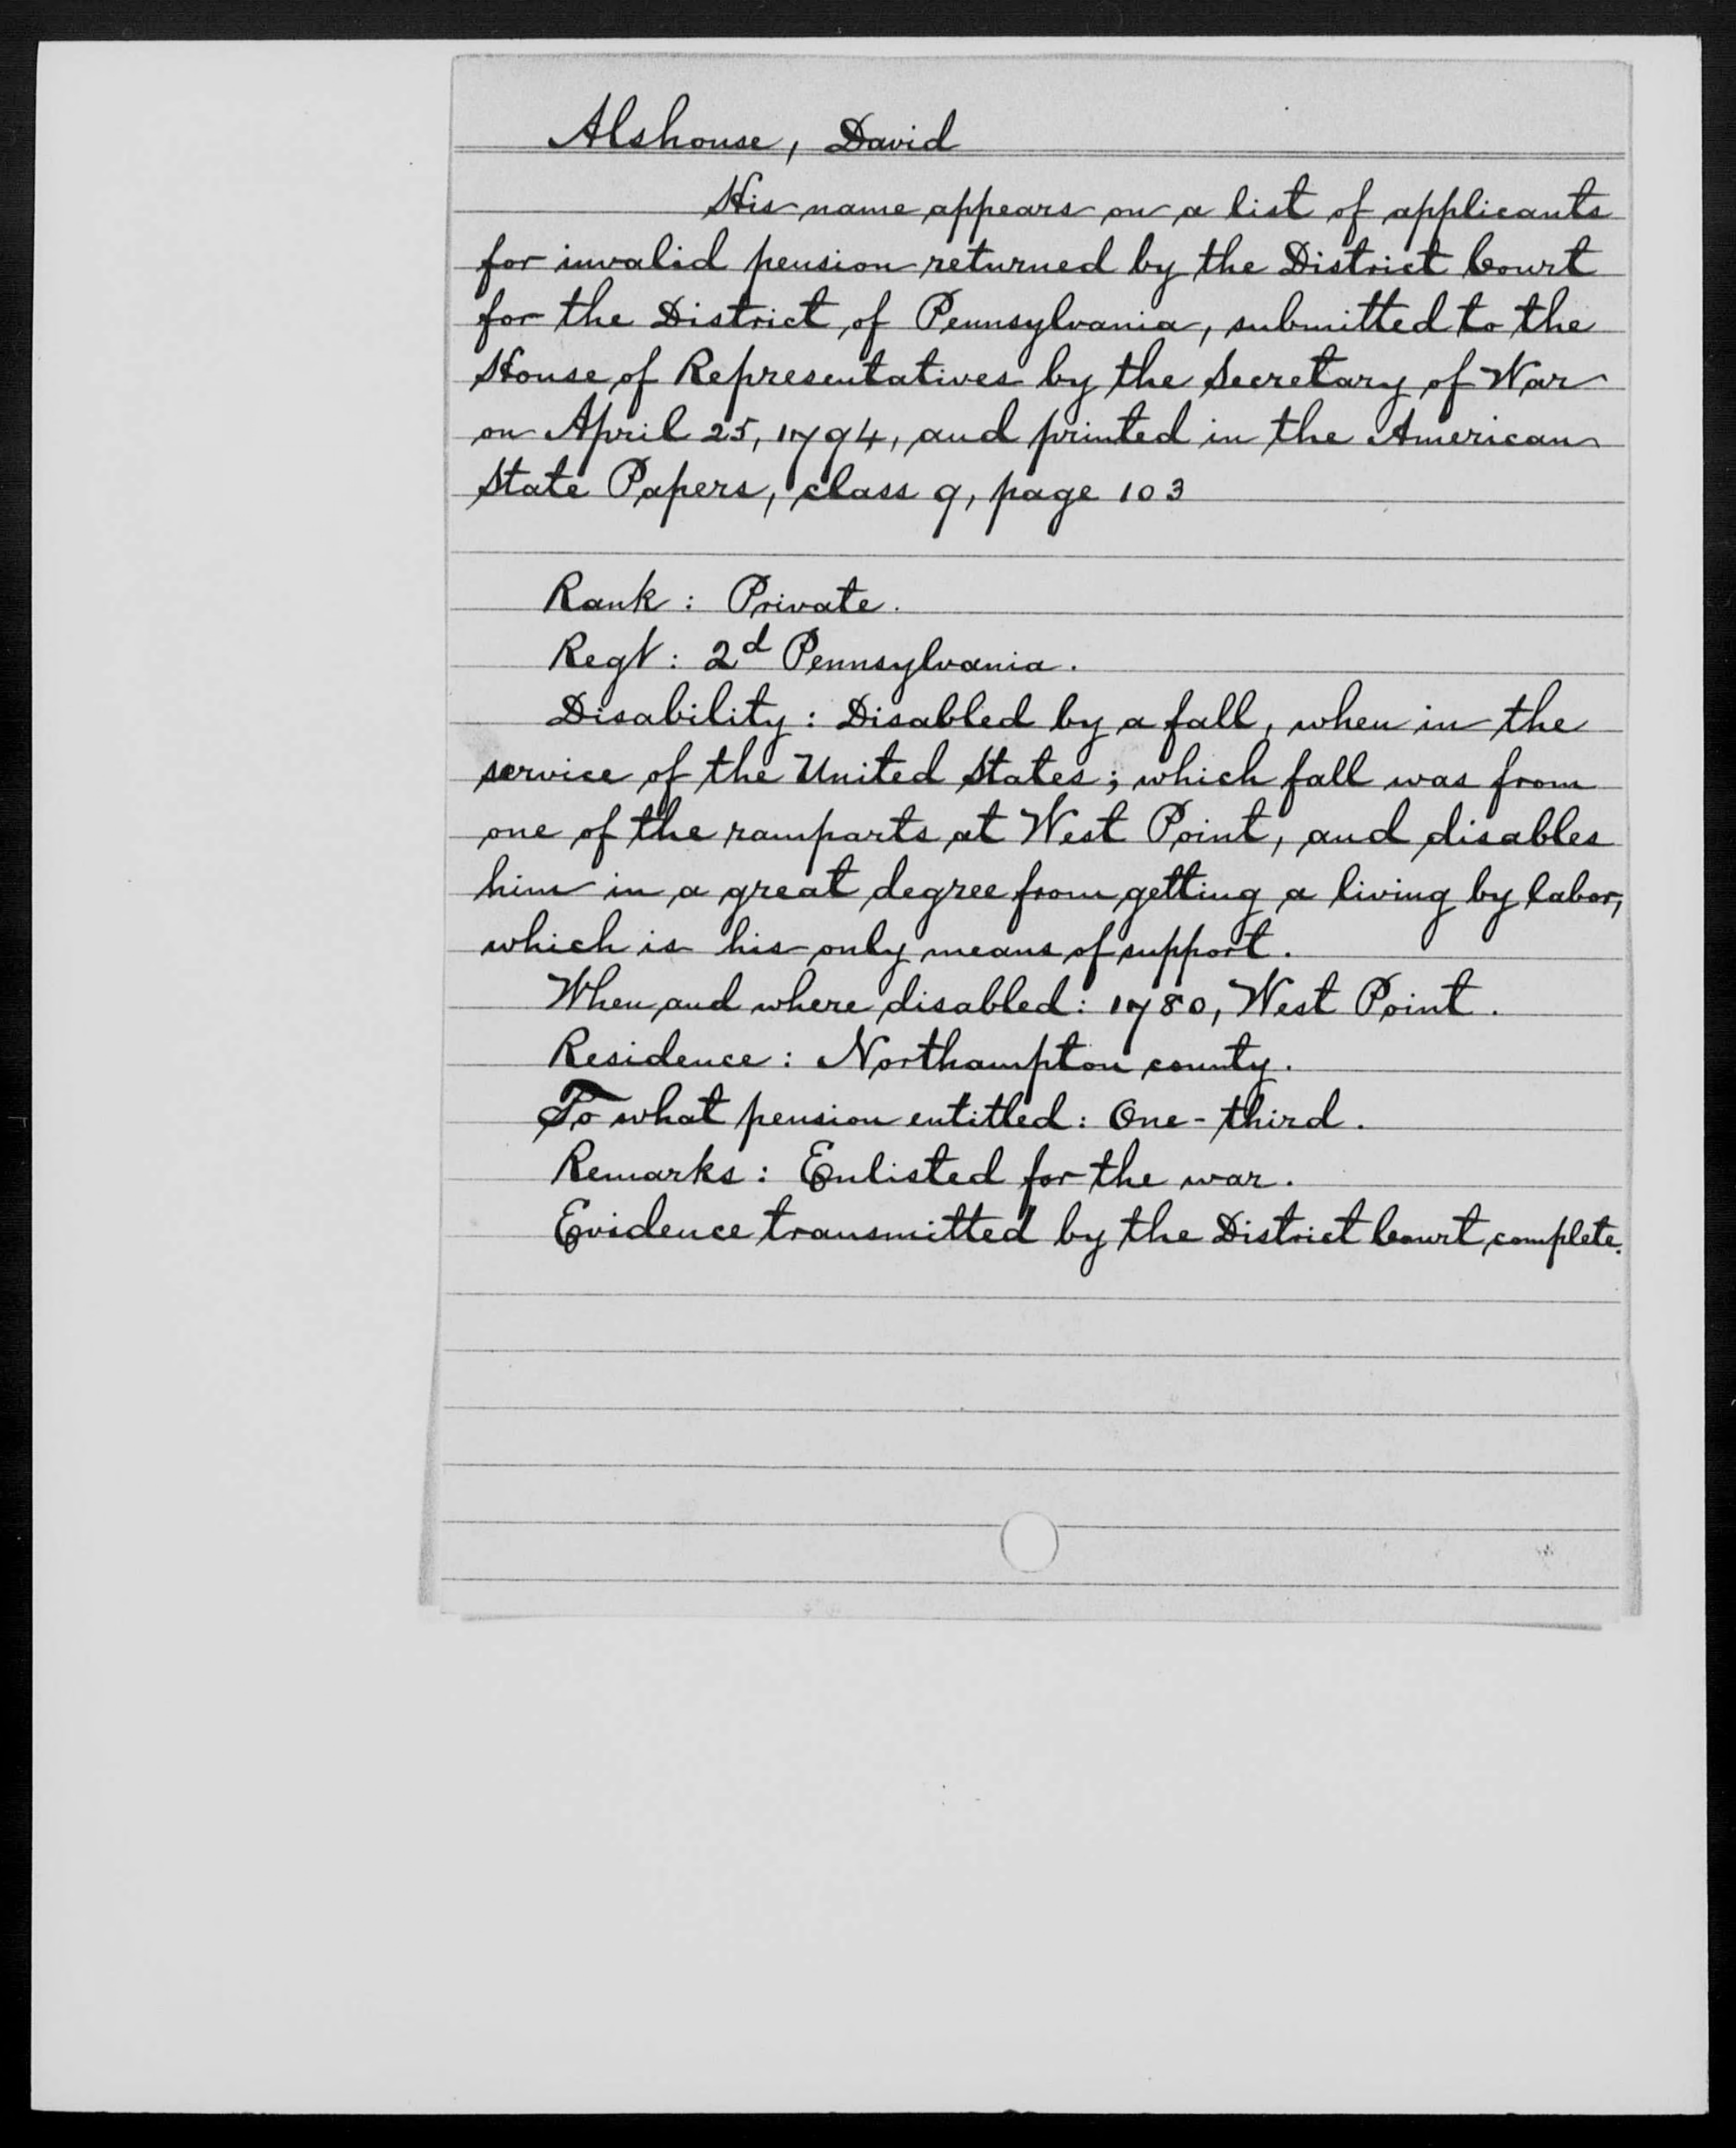Alshouse, David

His name appears on a list of applicants for invalid pension returned by the District Court for the District of Pennsylvania, submitted to the House of Representatives by the Secretary of War on April 25, 1794, and printed in the American State Papers, class 9, page 103

Rank:  Private.
Regt:  2d Pennsylvania.
Disability:  Disabled by a fall, when in the service of the United States; which fall was from one of the ramparts at West Point, and disables him in a great degree from getting a living by labor, which is his only means of support.

When and where disabled:  1780, West Point.
Residence:  Northampton county.
To what pension entitled:  One-third.
Remarks:  Enlisted for the war.
Evidence transmitted by the District Court complete.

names: David Alshouse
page: 2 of 17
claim: survivor's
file: S. 39928, David Alshouse, Penn.